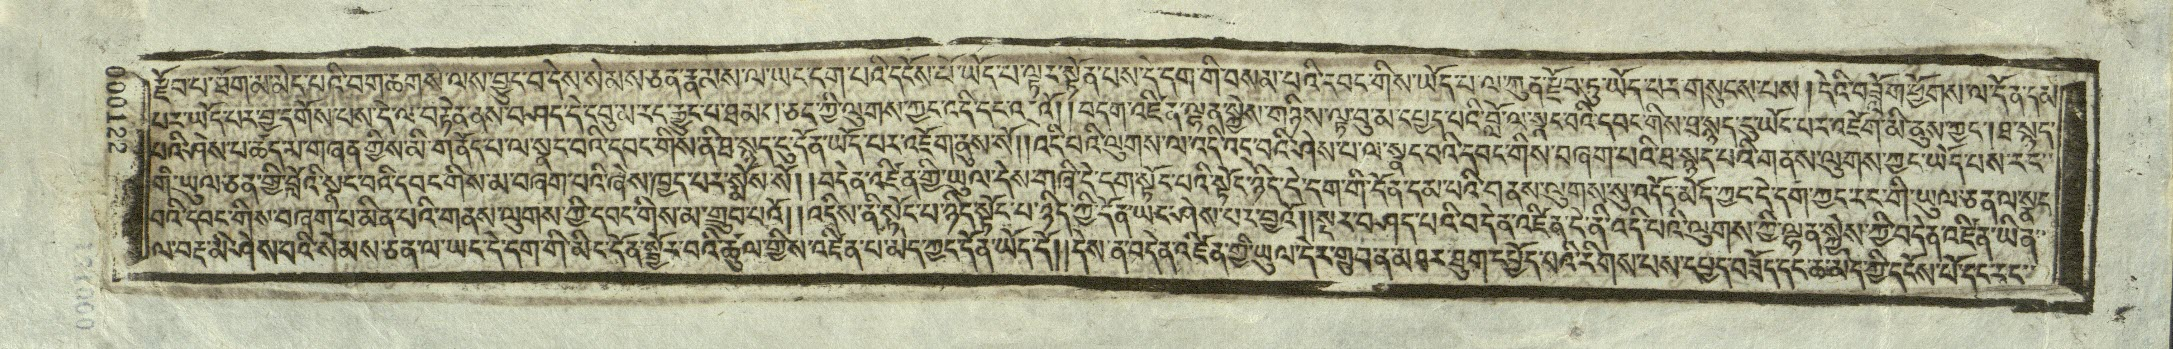རྫོབ་པ་ཐོག་མ་མེད་པའི་བག་ཆགས་ལས་བྱུང་བ་དེས་སེམས་ཅན་རྣམས་ལ་ཡང་དག་པའི་དངོས་པོ་ཡོད་པ་ལྟར་སྟོན་པས་དེ་དག་གི་བསམ་པའི་དབང་གིས་ཡོད་པ་ལ་ཀུན་རྫོབ་ཏུ་ཡོད་པར་གསུངས་པས། དེའི་བཟློག་ཕྱོགས་ལ་དོན་དམ་
པར་ཡོད་པར་བྱ་དགོས་པས་དེ་ལ་བརྟན་ནས་བཤད་དེ་དབུ་མ་རང་རྒྱུད་པ་ཐམས་ཅད་ཀྱི་ལུགས་ཀྱང་འདི་དང་འདྲའོ། །བདག་འཛིན་ལྷན་སྐྱེས་གཉིས་ལྟ་བུ་མ་དཔྱད་པའི་བློ་ལ་སྣང་བའི་དབང་གིས་ཐ་སྙད་དུ་ཡོད་པར་འཇོག་མི་ནུས་ཀྱང་། ཐ་སྙད་
པའི་ཤེས་པ་ཚད་མ་གཞན་གྱིས་མི་གནོད་པ་ལ་སྣང་བའི་དབང་གིས་ནི་ཐ་སྙད་དུ་དོན་ཡོད་པར་འཇོག་ནུས་སོ། །འདི་པའི་ལུགས་ལ་འདི་འདྲ་བའི་ཤེས་པ་ལ་སྣང་བའི་དབང་གིས་བཞག་པའི་ཐ་སྙད་པའི་གནས་ལུགས་ཀྱང་ཡོད་པས་རང་
གི་ཡུལ་ཅན་གྱི་བློའི་སྣང་བའི་དབང་གིས་མ་བཞག་པའི་ཞེས་ཁྱད་པར་སྨོས་སོ། །བདེན་འཛིན་གྱི་ཡུལ་དེས་གཞི་དེ་དག་སྟོང་པའི་སྟོང་ཉིད་དེ་དག་གི་དོན་དམ་པའི་གནས་ལུགས་སུ་འདོད་མོད་ཀྱང་དེ་དག་ཀྱང་རང་གི་ཡུལ་ཅན་ལ་སྣང་
བའི་དབང་གིས་བཞག་པ་མིན་པའི་གནས་ལུགས་ཀྱི་དབང་གིས་མ་གྲུབ་པའོ། །འདིས་ནི་སྟོང་པ་ཉིད་སྟོང་པ་ཉིད་ཀྱི་དོན་ཡང་ཤེས་པར་བྱའོ། །སྔར་བཤད་པའི་བདེན་འཛིན་དེ་ནི་འདི་པའི་ལུགས་ཀྱི་ལྷན་སྐྱེས་ཀྱི་བདེན་འཛིན་ཡིན་
ལ་བརྡ་མ་ཤེས་པའི་སེམས་ཅན་ལ་ཡང་དེ་དག་གི་མིང་དོན་སྦྱོར་བའི་ཚུལ་གྱིས་འཛིན་པ་མེད་ཀྱང་དོན་ཡོད་དོ། །དེས་ན་བདེན་འཛིན་གྱི་ཡུལ་དེར་གྲུབ་ན་མཐར་ཐུག་དཔྱོད་པའི་རིགས་པས་དཔྱད་བཟོད་དང་ཆ་མེད་ཀྱི་དངོས་པོ་དང་རང་